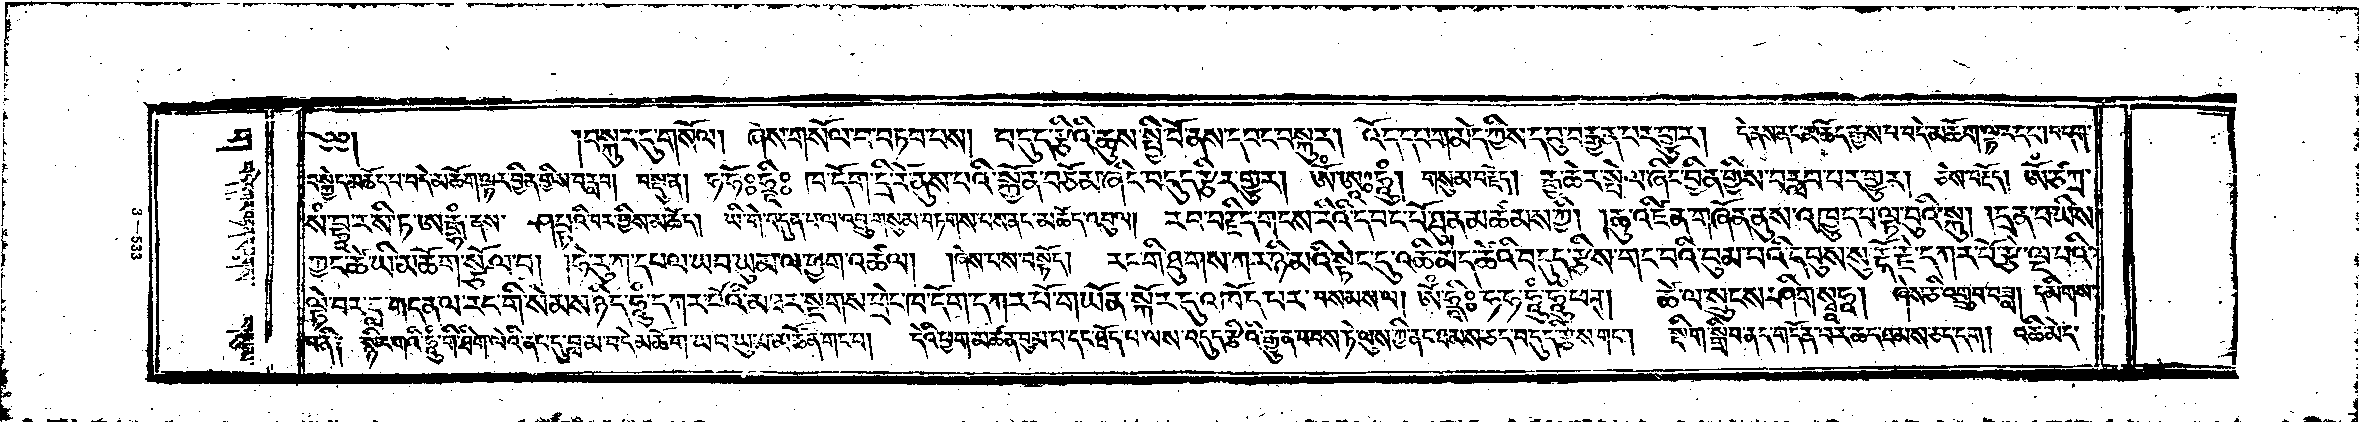༄༅། །བསྐུར་དུ་གསོལ། ཞེས་གསོལ་བ་བཏབ་པས། བདུད་རྩིའི་ཆུས་སྤྱི་བོ་ནས་དབང་བསྐུར། འོད་དཔག་མེད་ཀྱིས་དབུ་བརྒྱན་པར་གྱུར། དེ་ནས་ནང་མཆོད་རྒྱས་པ་བདེ་མཆོག་ལྟར་དང་། བདག་
བསྐྱེད་མཆོད་པ་བདེ་མཆོག་ལྟར་བྱིན་གྱིས་བརླབ། བསྡུ་ན། ཧ་ཧོཿཧྲཱིཿཁ་དོག་དྲི་རོ་ནུས་པའི་སྐྱོན་བཅོམ་ཞིང་བདུད་རྩིར་གྱུར། ཨོཾ་ཨཱཿཧཱུཾ། གསུམ་བརྗོད།  རྒྱ་ཆེར་སྤེལ་ཞིང་བྱིན་གྱིས་བརླབ་པར་གྱུར། ཅེས་བརྗོད།  ཨོཾ་ཙ་ཀྲ་
སཾ་བྷཱ་ར་སི་ཏ་ཨརྒྷཾ་ནས་ཤཔྟའི་བར་གྱིས་མཆོད། ཡི་གེ་བདུན་པ་ལ་འབྲུ་གསུམ་བཏགས་པས་ནང་མཆོད་འབུལ།  རབ་བརྗིད་གངས་རིའི་དབང་པོ་ཐུན་མཚམས་ཀྱི། །ཆུ་འཛིན་གཞོན་ནུས་འཁྱུད་པ་ལྟ་བུའི་སྐུ། །དྲན་པ་ཡིས་
ཀྱང་ཚེ་ཡི་མཆོག་སྩོལ་བ། །ཧེ་རུ་ཀ་དཔལ་ཡབ་ཡུམ་ལ་ཕྱག་འཚལ། །ཞེས་པས་བསྟོད།  རང་གི་ཐུགས་ཀར་ཉི་མའི་སྟེང་དུ་འཆི་མེད་ཚེའི་བདུད་རྩིས་གང་བའི་བུམ་པའི་དབུས་སུ་རྡོ་རྗེ་དཀར་པོ་རྩེ་ལྔ་པའི་
ལྟེ་བར་བླ་གདན་ལ་རང་གི་སེམས་ཉིད་ཧཱུཾ་དཀར་པོའི་མཐར་སྔགས་ཕྲེང་ཁ་དོག་དཀར་པོ་གཡོན་སྐོར་དུ་འཁོད་པར་བསམས་ལ།  ཨོཾ་ཧྲཱིཿཧ་ཧ་ཧཱུཾ་ཧཱུཾ་ཕཊ། ཚེ་ལ་སྲུངས་ཤིག་སྭཱཧཱ། ཞེས་ཅི་འགྲུབ་བཟླ། དམིགས་
པ་ནི༑ སྙིང་གའི་ཧཱུཾ་གི་ཐིག་ལེའི་ནང་དུ་བླ་མ་བདེ་མཆོག་ཡབ་ཡུམ་མཚོན་གང་བ། དེའི་ཕྱག་མཚན་བུམ་པ་དང་ཐོད་པ་ལས་བདུད་རྩིའི་རྒྱུན་བབས་ཏེ་ལུས་ཀྱི་ནང་ཐམས་ཅད་བདུད་རྩིས་གང་། སྡིག་སྒྲིབ་ནད་གདོན་པར་ཆད་ཐམས་ཅད་དག །འཆི་མེད་